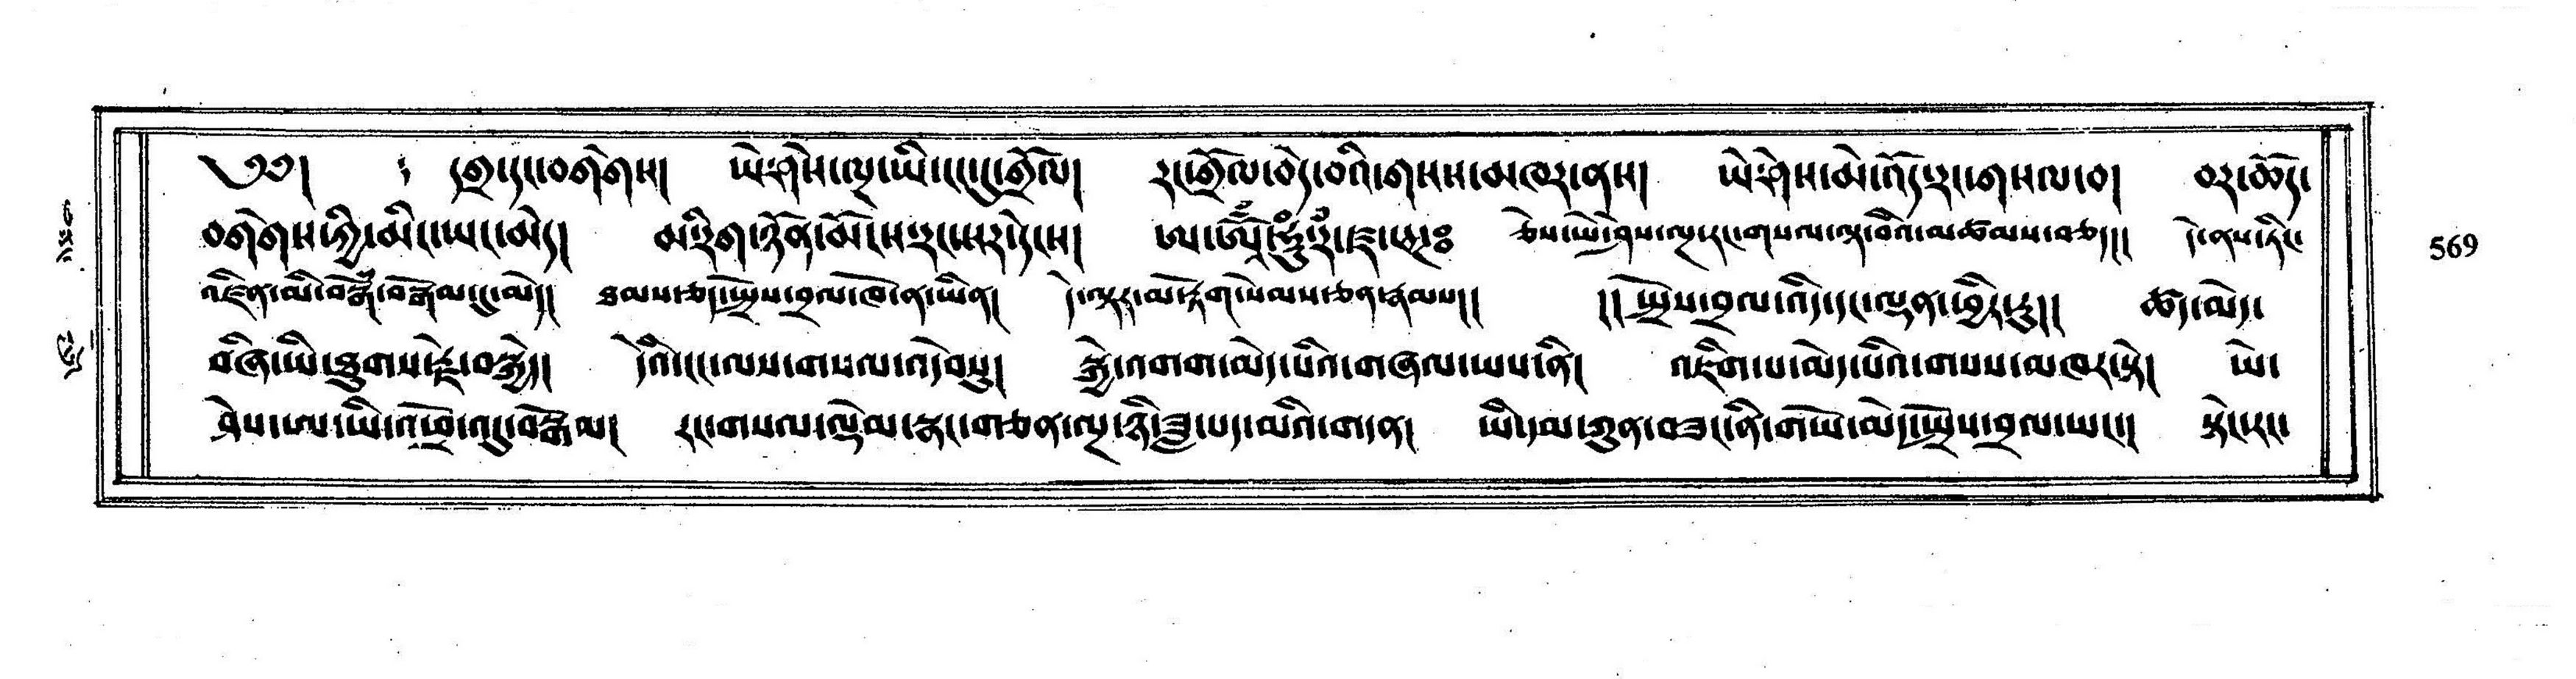དགྲ་དང་བགེགས། ཡེ་ཤེས་ལྔ་ཡི་ངང་དུ་གྲོལ། རང་གྲོལ་བདེ་བའི་གསས་མཁར་ནས། ཡེ་ཤེས་མེ་འོད་རང་གསལ་བ། བར་ཆོད་
བགེགས་ཀྱི་མིང་ཡང་མེད། མ་རིག་ཉོན་མོངས་རང་སར་དེངས། ཨ་ཨཱོཾ་ཧཱུྃ་རཾ་ཛ་ཕཊ༔ ཅེས་ཡེ་ཤེས་ལྔ་རང་གསལ་ལྟ་བའི་མཚམས་བཅད།། དེ་ནས་ཏིང་
འཛིན་མི་བསྒོམ་བསྒོམ་དུ་མེད། ཐམས་ཅད་སྤྲོས་བྲལ་ཁོ་ན་ཡིན། དེ་ལྟར་མ་རྟོག་སེམས་ཅན་རྣམས།། །།སྤྲོས་བྲལ་འདི་དང་ལྡན་ཕྱིར་རུ།། ཚད་མེད་
བཞི་ཡི་ཐུགས་རྗེ་བསྐྱེད། དེའི་ངང་ལས་གསལ་འདེབས་སུ། སྐྱེ་འགག་མེད་པའི་གཞལ་ཡས་ནི། འཇིག་པ་མེད་པའི་གསས་མཁར་སྟེ། ཡེ་
ཤཻས་ཨ་ཡི་འཕྲོ་འདུ་བསྒོམ། རང་གསལ་ལྡེམ་སྣང་གཅན་ལྔ་ཉི་ཟླ་པད་མའི་གདན། ཡི་དམ་ཀུན་བཟང་ནི་གཡོ་མེད་སྤྲོས་བྲལ་ཡང་། སྟེང་རང་